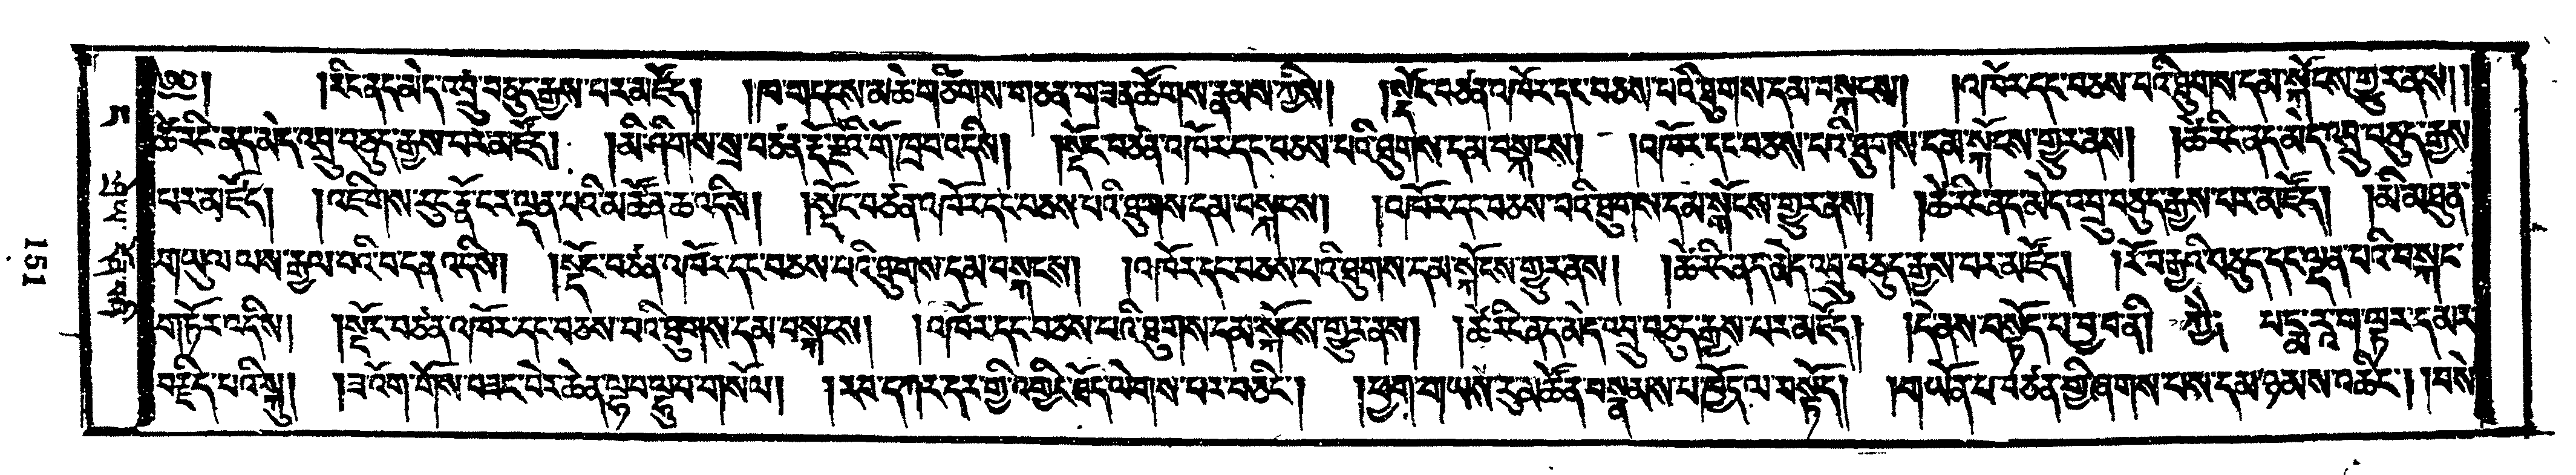༄༅། །རིང་ནད་མེད་འབྲུ་བཅུང་རྒྱས་པར་མཛོད། །ཁ་གདངས་མཆེ་གཙིགས་གཅན་གཟན་ཚོགས་རྣམས་ཀྱིས། །སྡོང་བཙན་འཁོར་དང་བཅས་པའི་ཐུགས་དམ་བསྐངས། །འཁོར་དང་བཅས་པའི་ཐུགས་དམ་སྐོངས་གྱུར་ནས། །
ཚེ་རིང་ནད་མེད་འབྲུ་བཅུད་རྒྱས་པར་མཛོད། །མི་ཤིགས་སྲ་བཙན་རྡོ་རྗེའི་གོ་ཁྲབ་འདིས། །སྡོང་བཙན་འཁོར་དང་བཅས་པའི་ཐུགས་དམ་བསྐངས། །འཁོར་དང་བཅས་པའི་ཐུགས་དམ་སྐོངས་གྱུར་ནས། །ཚེ་རིང་ནད་མེད་འབྲུ་བཅུད་རྒྱས་
པར་མཛོད། །འཇིགས་རུང་རྣོ་ངར་ལྡན་པའི་མཚོན་ཆ་འདིས། །སྡོང་བཙན་འཁོར་དང་བཅས་པའི་ཐུགས་དམ་བསྐངས། །འཁོར་དང་བཅས་པའི་ཐུགས་དམ་སྐོངས་གྱུར་ནས། །ཚེ་རིང་ནད་མེད་འབྲུ་བཅུད་རྒྱས་པར་མཛོད། །མི་མཐུན་
གཡུལ་ལས་རྒྱལ་བའི་བ་དན་འདིས། །སྡོང་བཙན་འཁོར་དང་བཅས་པའི་ཐུགས་དམ་བསྐངས། །འཁོར་དང་བཅས་པའི་ཐུགས་དམ་སྐོངས་གྱུར་ནས། །ཚེ་རིང་ནད་མེད་འབྲུ་བཅུད་རྒྱས་པར་མཛོད། །རོ་བརྒྱའི་བཅུད་དང་ལྡན་པའི་བསྐང་
གཏོར་འདིས། །སྡོང་བཙན་འཁོར་དང་བཅས་པའི་ཐུགས་དམ་བསྐངས། །འཁོར་དང་བཅས་པའི་ཐུགས་དམ་སྐོངས་གྱུར་ནས། །ཚེ་རིང་ནད་མེད་འབྲུ་བཅུད་རྒྱས་པར་མཛོད། །དེ་ནས་བསྟོད་པ་བྱ་བ་ནི། ཀྱཻ༑ པདམ་རཱ་ག་ལྟར་དམར་
བརྗིད་པའི་སྐུ། །ཟ་འོག་གོས་བཟང་བེར་ཆེན་ལྷབ་ལྷུབ་གསོལ། །རབ་དཀར་དར་གྱི་འགྱིང་ཐོད་ལེགས་པར་བཅིང་། །ཕྱག་གཡས་རུ་མཚོན་བསྣམས་པ་ཁྱོད་ལ་བསྟོད། །གཡོན་པ་བཙན་གྱི་ཞགས་པས་དམ་ཉམས་འཆིང་། །བསེ་